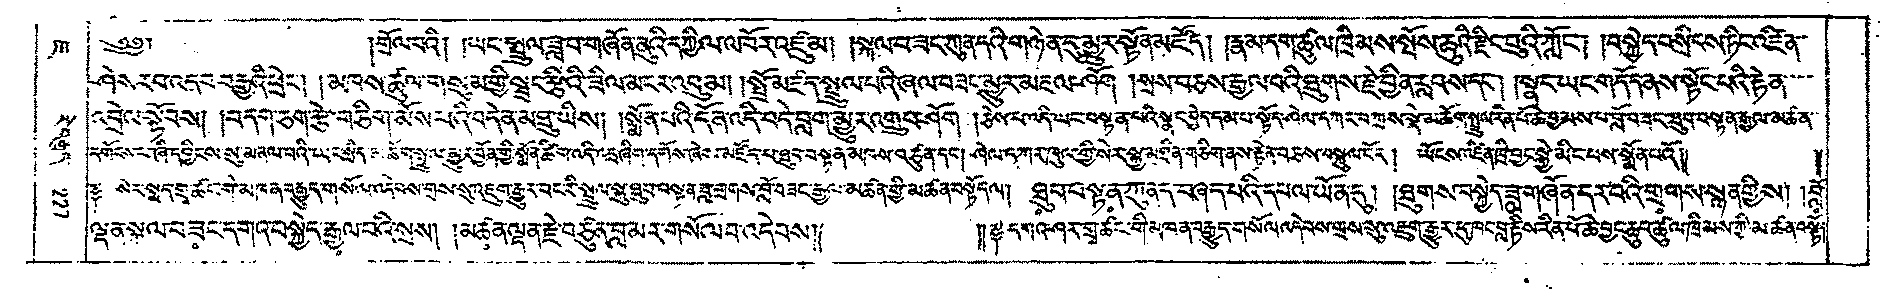༄༅། །གྲོལ་བའི། །ཡང་སྤྲུལ་ཟླ་བ་གཞོན་ནུའི་དཀྱིལ་འཁོར་འཛུམ། །སྐལ་བཟང་ཀུན་དའི་གཉེན་དུ་མྱུར་སྟོན་མཛོད། །རྣམ་དག་ཚུལ་ཁྲིམས་སྤོས་ཆུའི་རྫིང་བུའི་ཀློང་། །བསྐྱེད་བསྲིངས་ཏིང་འཛིན་
ཤེས་རབ་འདབ་བརྒྱའི་ཕྲེང་། །མཁས་ཚུལ་གསུམ་གྱི་སྦྲང་རྩིའི་ཟིལ་མངར་འབུམ། །སྤྲོ་མཛད་སྤྲུལ་པའི་ཞལ་བཟང་མྱུར་མཇལ་ཤོག །སྲས་བཅས་རྒྱལ་བའི་ཐུགས་རྗེ་བྱིན་རླབས་དང་། །སྣང་ཡང་གདོད་ནས་སྟོང་པའི་རྟེན་
འབྲེལ་སྟོབས། །བདག་ཅག་རྩེ་གཅིག་མོས་པའི་བདེན་མཐུ་ཡིས། །སྨོན་པའི་དོན་འདི་བདེ་བླག་མྱུར་འགྲུབ་ཤོག །ཅེས་པ་འདི་ཡང་བསྟན་པའི་སྣང་བྱེད་དམ་པ་སྟོད་ཤེལ་དཀར་བཀྲས་སྡེ་མཆོག་སྤྲུལ་རིན་པོ་ཆེ་བྱམས་པ་བློ་བཟང་ཐུབ་བསྟན་རྒྱལ་མཚན་
དགོངས་པ་ཞི་དབྱིངས་སུ་མནལ་བའི་ཡང་སྲིད་མཆོག་སྤྲུལ་མྱུར་བྱོན་གྱི་སྨོན་ཚིག་འདི་འདྲ་ཞིག་དགོས་ཞེས་མཛོད་པ་ཐུབ་བསྟན་མཁས་བཙུན་དང་། ཤེལ་དཀར་ཁུལ་གྱི་སེར་སྐྱ་མགྲིན་གཅིག་ནས་རྟེན་བཅས་བསྐུལ་ངོར། ཡོངས་འཛིན་ཁྲི་བྱང་སྐྱེ་མིང་པས་སྨོན་པའོ།། །།
༈ སེར་སྨད་གྲྭ་ཚང་གི་མཁན་བརྒྱུད་གསོལ་འདེབས་གྲས་སུ་འཇུག་རྒྱུར་བང་རི་སྤྲུལ་སྐུ་ཐུབ་བསྟན་ཟླ་གྲགས་བློ་བཟང་རྒྱལ་མཚན་གྱི་མཚན་བསྟོད་ལ། ཐུབ྾་བསྟན྾་ཀུན་ད་བཞད་པའི་དཔལ་ཡོན་དུ། །ཐུགས་བསྐྱེད་ཟླ་གཞོན་དར་བའི་གྲགས྾་སྙན་གྱིས། །བློ྾་
ལྡན་སྐལ་བཟང྾་དགའ་བསྐྱེད་རྒྱལ྾་བའི་སྲས། །མཚན྾་ལྡན་རྗེ་བཙུན་བླ་མར་གསོལ་བ་འདེབས།། །། ༈ དགའ་ཤར་གྲྭ་ཚང་གི་མཁན་བརྒྱུད་གསོལ་འདེབས་གྲས་སུ་འཇུག་རྒྱུར་ཕུ་ཁང་བླ་རྟིས་རིན་པོ་ཆེ་བྱང་ཆུབ་ཚུལ་ཁྲིམས་ཀྱི་མཚན་བལྟོད་